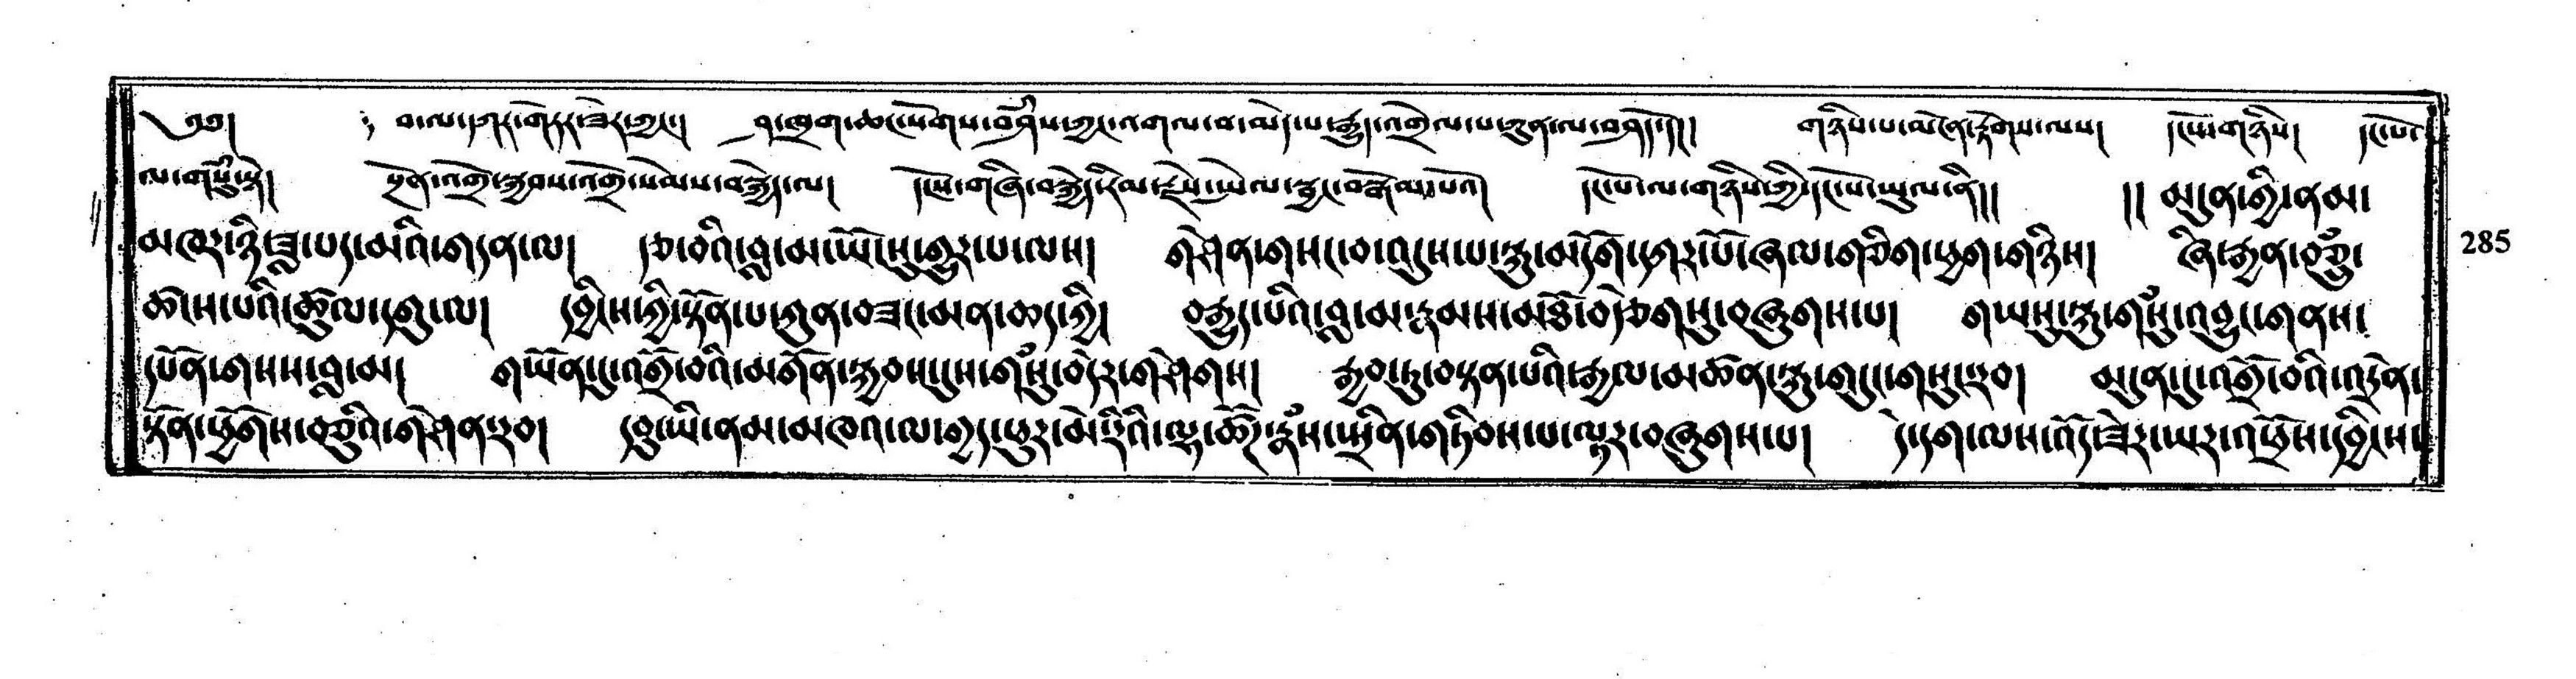བ་ལ་དཀར་གཏོར་ཟེར་ཀྱང་། ཤ་ཁྲག་ཆང་སོགས་བཤམས་ཀྱང་འགལ་བ་མེད་པ་རྒྱུད་འགྲེལ་པ་ཀུན་ལ་བཤད་དོ།། གཉིས་པ་མངོན་རྟོགས་ལས། དངོས་གཉིས། དང་པོ་
ལ་གསུམ་སྟེ། སྔོན་འགྲོ་སྐྱབས་འགྲོ་སེམས་བསྐྱེད་ལ། དངོས་གཞི་བསྐྱེད་རིམ་རྗེས་སྤེལ་སྦྱང་བསྒོམ་པའོ། དང་པོ་ལ་གཉིས་ཀྱི་དང་པོ་ཡུལ་ནི།། མདུན་གྱི་ནམ་
མཁར་ཉི་ཟླ་པད་མའི་གདན་ལ། རྩ་བའི་བླ་མ་ཡོངས་སུ་གྱུར་པ་ལས། གཤེན་གསང་བ་འདུས་པ་སྐུ་མདོག་དཀར་པོ་ཞལ་གཅིག་ཕྱག་གཉིས། ཞི་རྒྱན་བཅུ་
གསུམ་ཚངས་པའི་ཚུལ་དགུ་ལ། དབྱིངས་ཀྱི་སྟོན་པ་ཀུན་བཟང་མན་ཆད་ཀྱི། བརྒྱུད་པའི་བླ་མ་རྣམས་མཐོ་བརྩེགས་སུ་བཞུགས་པ། གཡས་སུ་སྐུ་གསུམ་འབྱུང་གནས་
དཔོན་གསས་བླ་མ། གཡོན་དུ་འགྲོ་བའི་མགོན་སྐྱབས་དུས་གསུམ་བདེར་གཤེགས། རྒྱབ་ཏུ་བསྟན་པའི་རྒྱལ་མཚན་སྐུ་གདུང་གསུང་རབ། མདུན་དུ་འགྲོ་བའི་འདྲེན་
སྟོན་ཕྱོགས་བཅུའི་གཤེན་རབ། དབུ་ཡི་ནམ་མཁའ་ལ་གྱད་ཕུར་མེ་རིའི་ལྷ་ཚོགས་རྣམས་སྤྲིན་གཏིབས་པ་ལྟར་བཞུགས་པ། དེ་དག་ལས་འོད་ཟེར་ཡར་འཕྲོས་དབྱིངས་